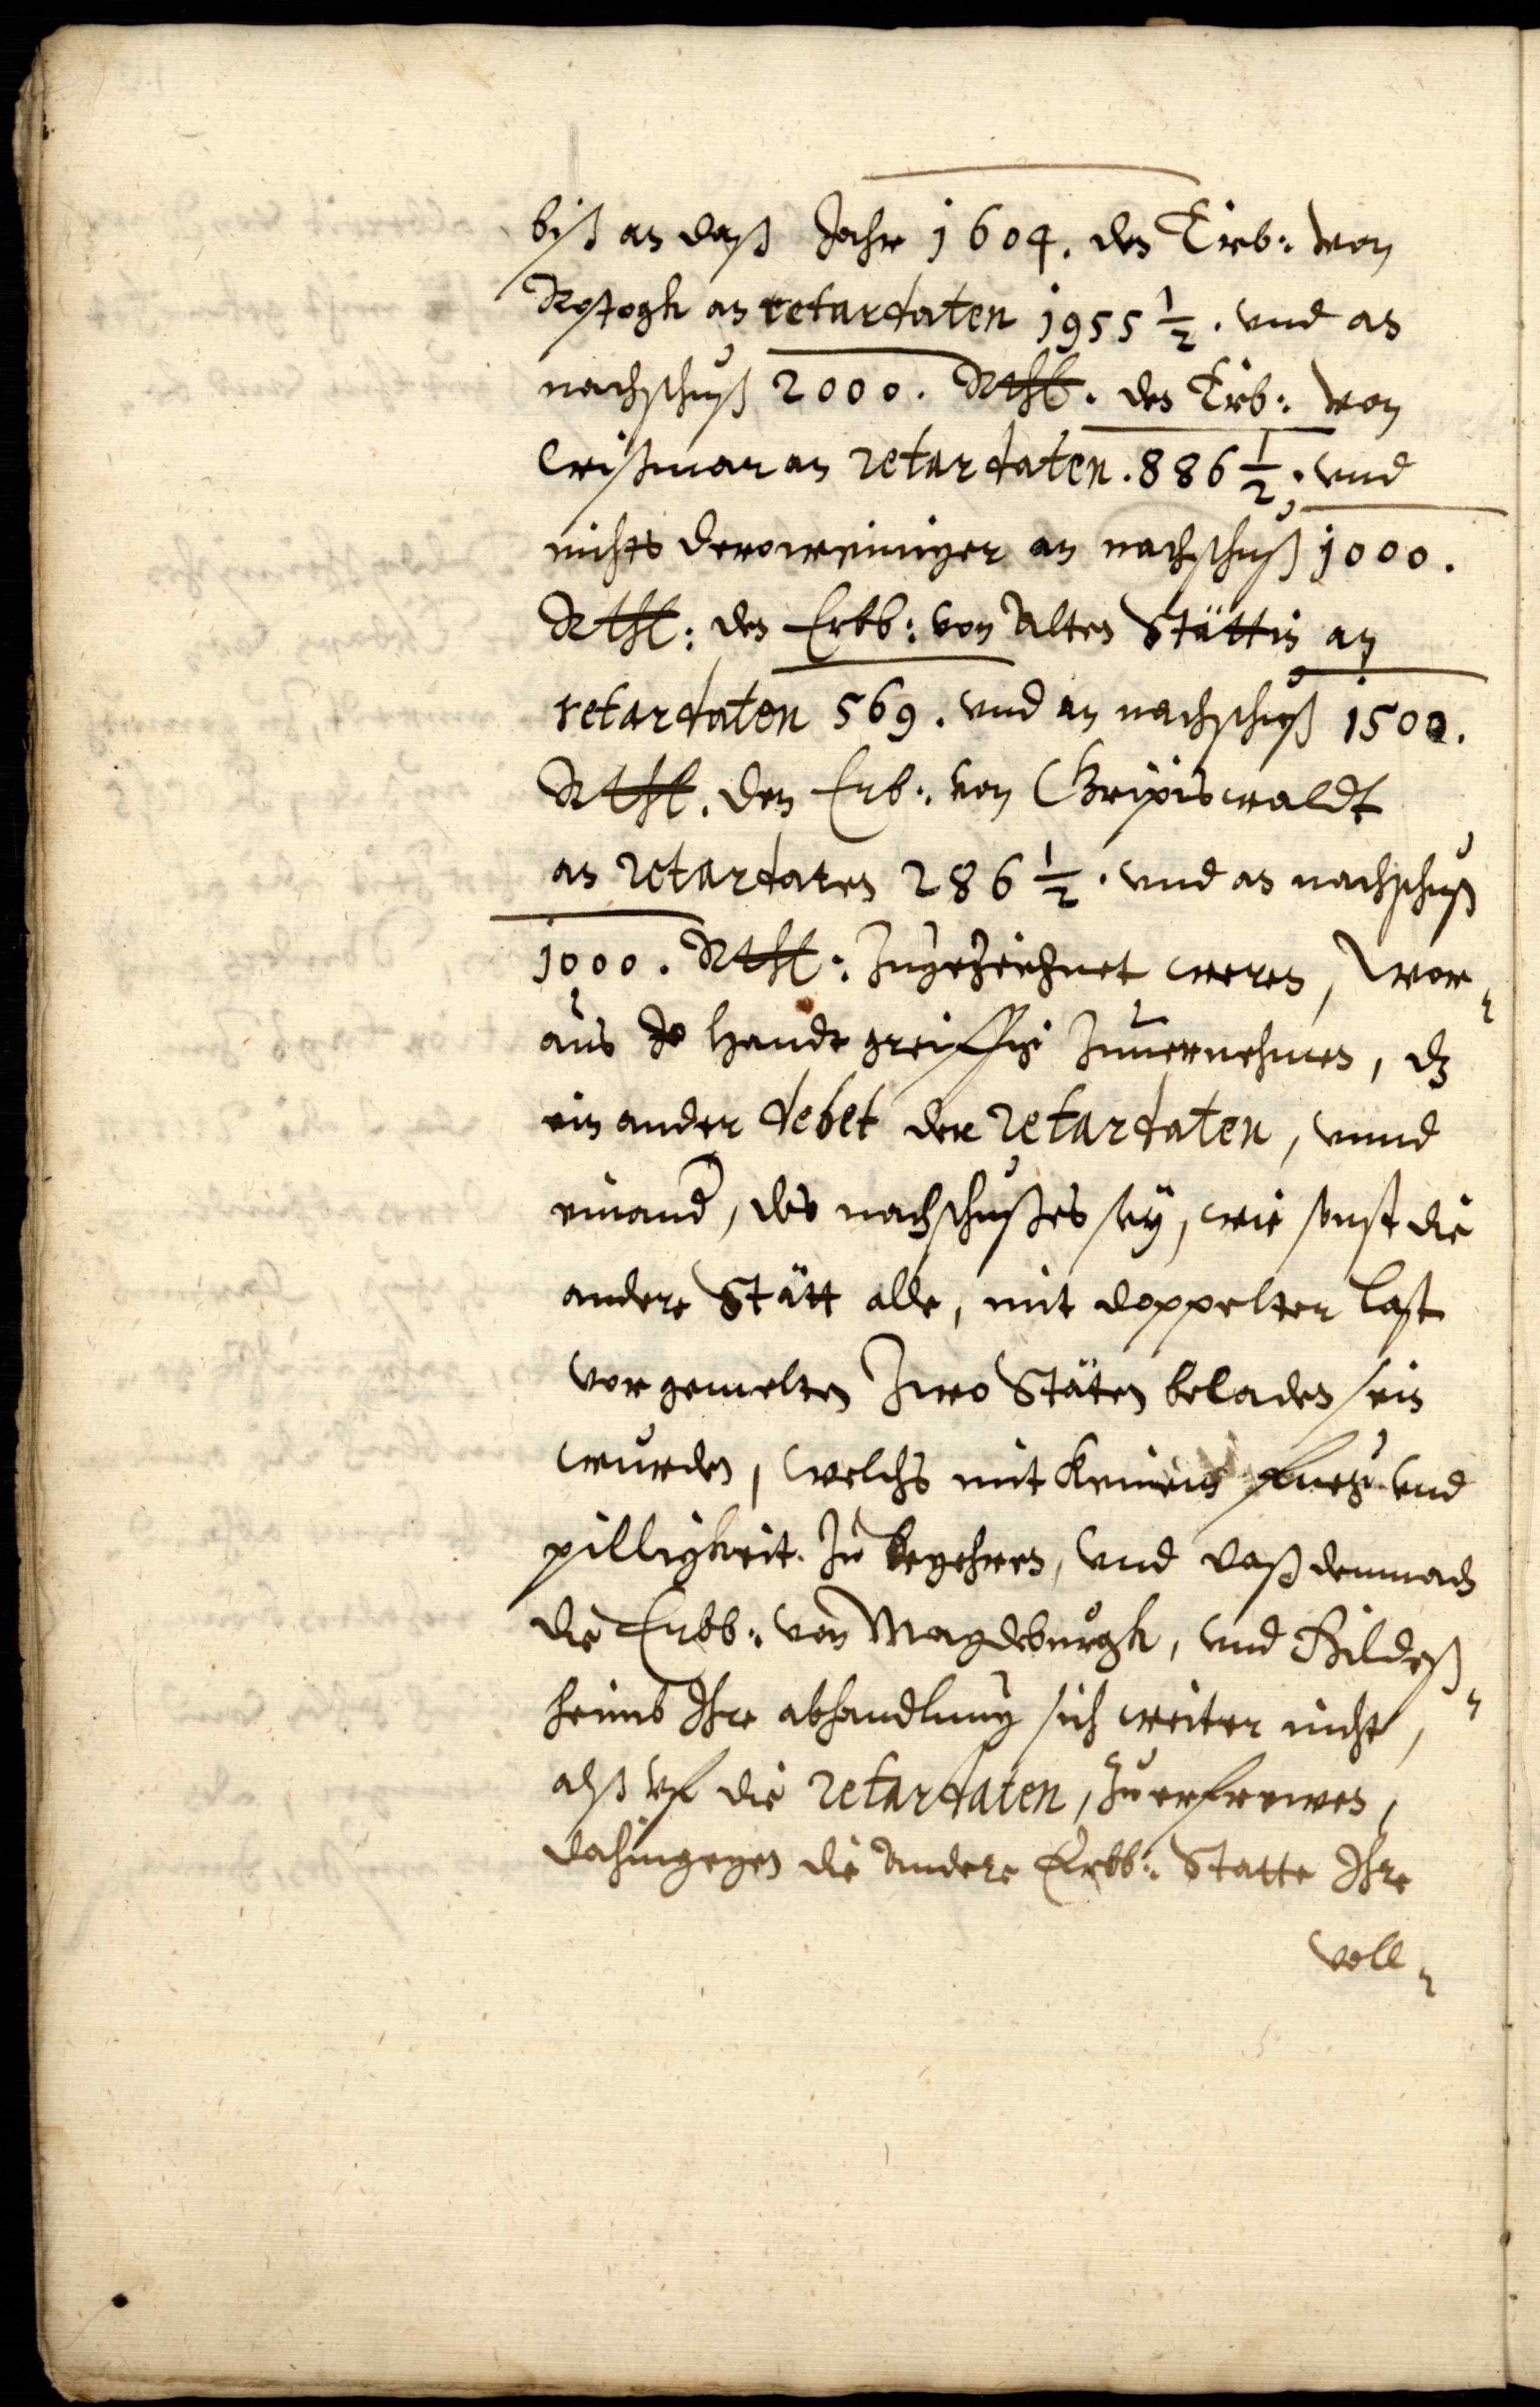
biß an daß Jahr 1604. den Erb: von
Rostogk an retardaten 1955 ½. vnd an
nachschuß 2000. Rthl. den Erb: von
Wißmar an retardaten 886 ½; vnd
nichts deroweiniger an nachschuß 1000.
Rthl: den Erbb: von Alten Stättin an
retardaten 569. vnd an nachschuß 1500.
Rthl. den Erb. von Gripiswaldt
an retardaten 286 ½. vnd an nachschuß
1000. Rthl: zugezeichnet weren, wor¬
aus In handt greiffig zuuernehmen, das
ein ander debet der retardaten, vnnd
einander, des nachschußes seij, wie sonst die
andere Stätt alle, mit doppelter last
vor gemelten zwo Stäten beladen sein
wurden, welchs mit keinem fueg vnd
pilligkeit zu begehren, vnd daß demnach
die Erbb: von Magdeburgk, vnd Hildeß¬
heimb Ihre abhandlung sich weiter nicht,
alß vf die retardaten, zu erfrewen,
dahingegen die andere Erbb: Statte Ihre
voll¬
